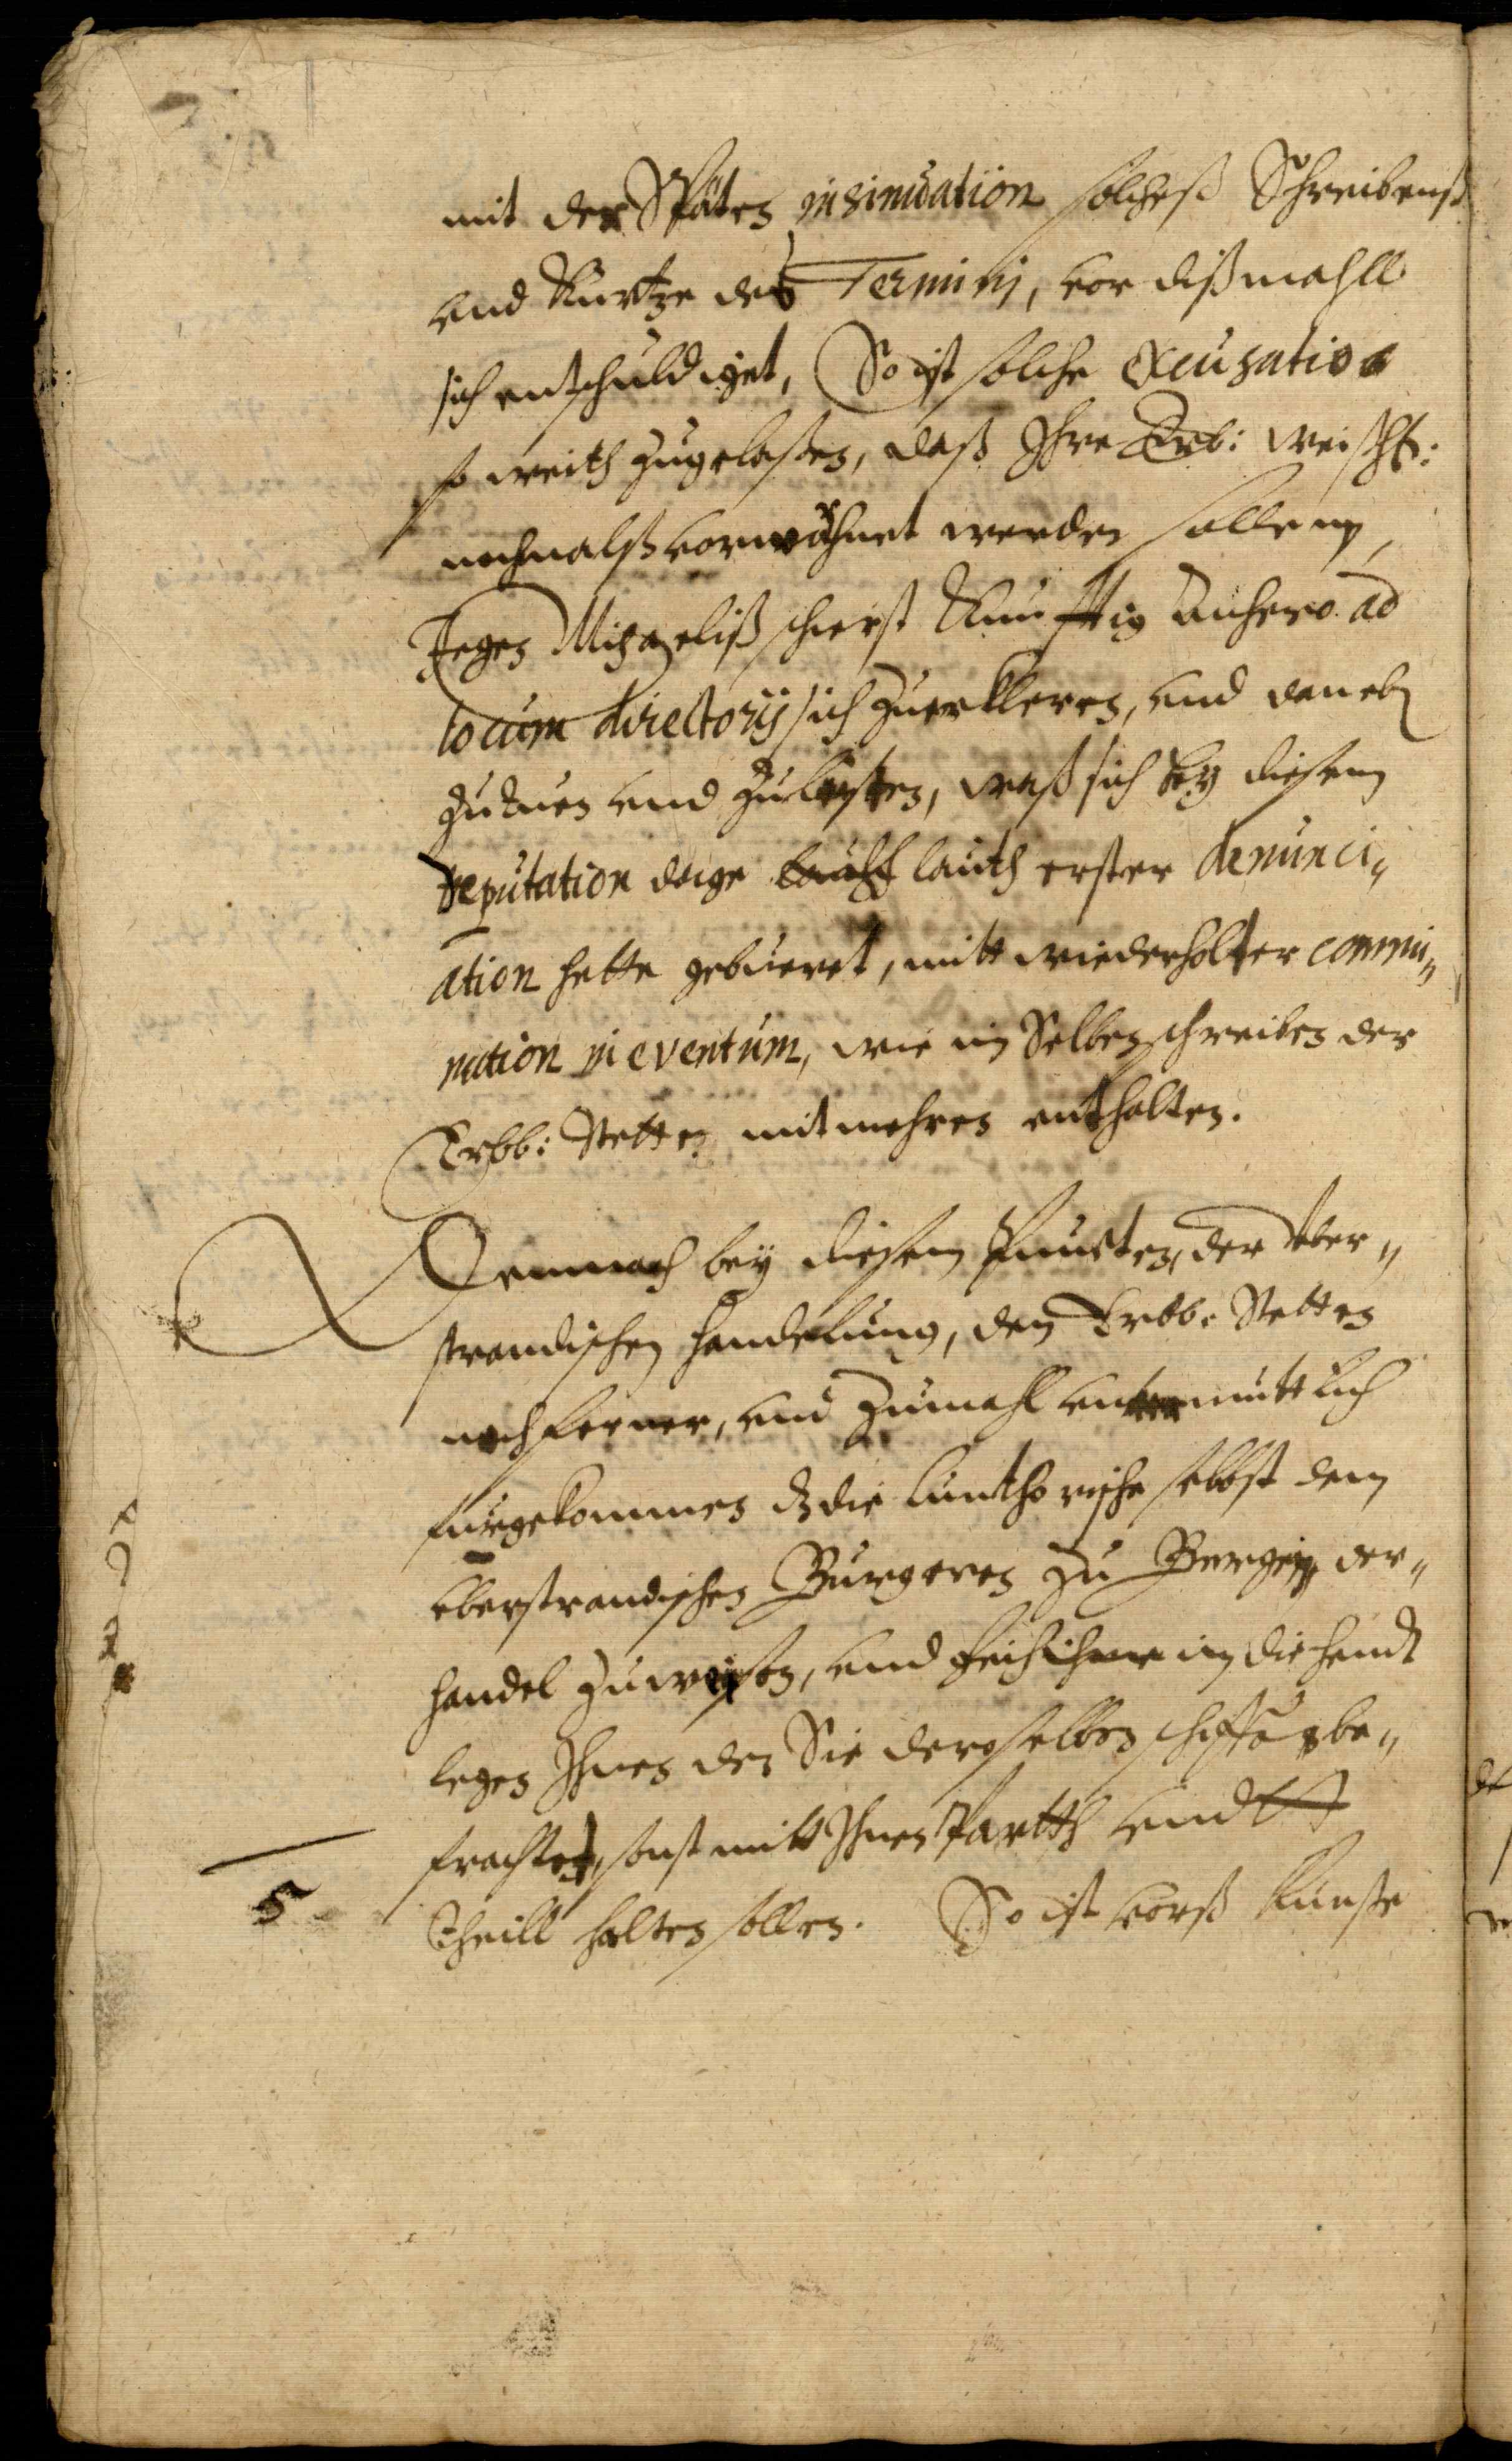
mit der Späten insinuation solcheß Schreibenß
vnd Kurtze des Termini, vor dißmahll
sich entschuldiget, so ist solche excusatio o
so weith zugelaßen, daß Ihre Erbb:weißht:
nochmalß vorwarhnet werden sollenn,
Jegen Michaeliß scherst Kunfftig Anhero ad
locum directorij sich zuerkleren,vnd daneben
zu tuen vnd zulaßen, waß sich beij dißem
Deputation dage lauf lauth erster denunci¬
nation hette gebueret, mitt wiederholter commu¬
nation in eventum, wie im Selben schreiben der
Erbb: Stette mit mehren enthalten.
Demnach beij diesen Puncten, der vber¬
strandischen handelung, den Erbb: Stetten
noch ferner, vnd zumahl vnvermuttlich
furgekommen das die Cunthorische selbst dem
vberstrandischen Burgeren zu Bergen der¬
handel zu weisen, vnd gleich ihnen in die handt
legen Ihnen den Sie deroselben schiffen be¬
frachtet, sonst mitt Ihnen Partth vndtt
Theill halten sollen. So ist vorß Funfte
5
